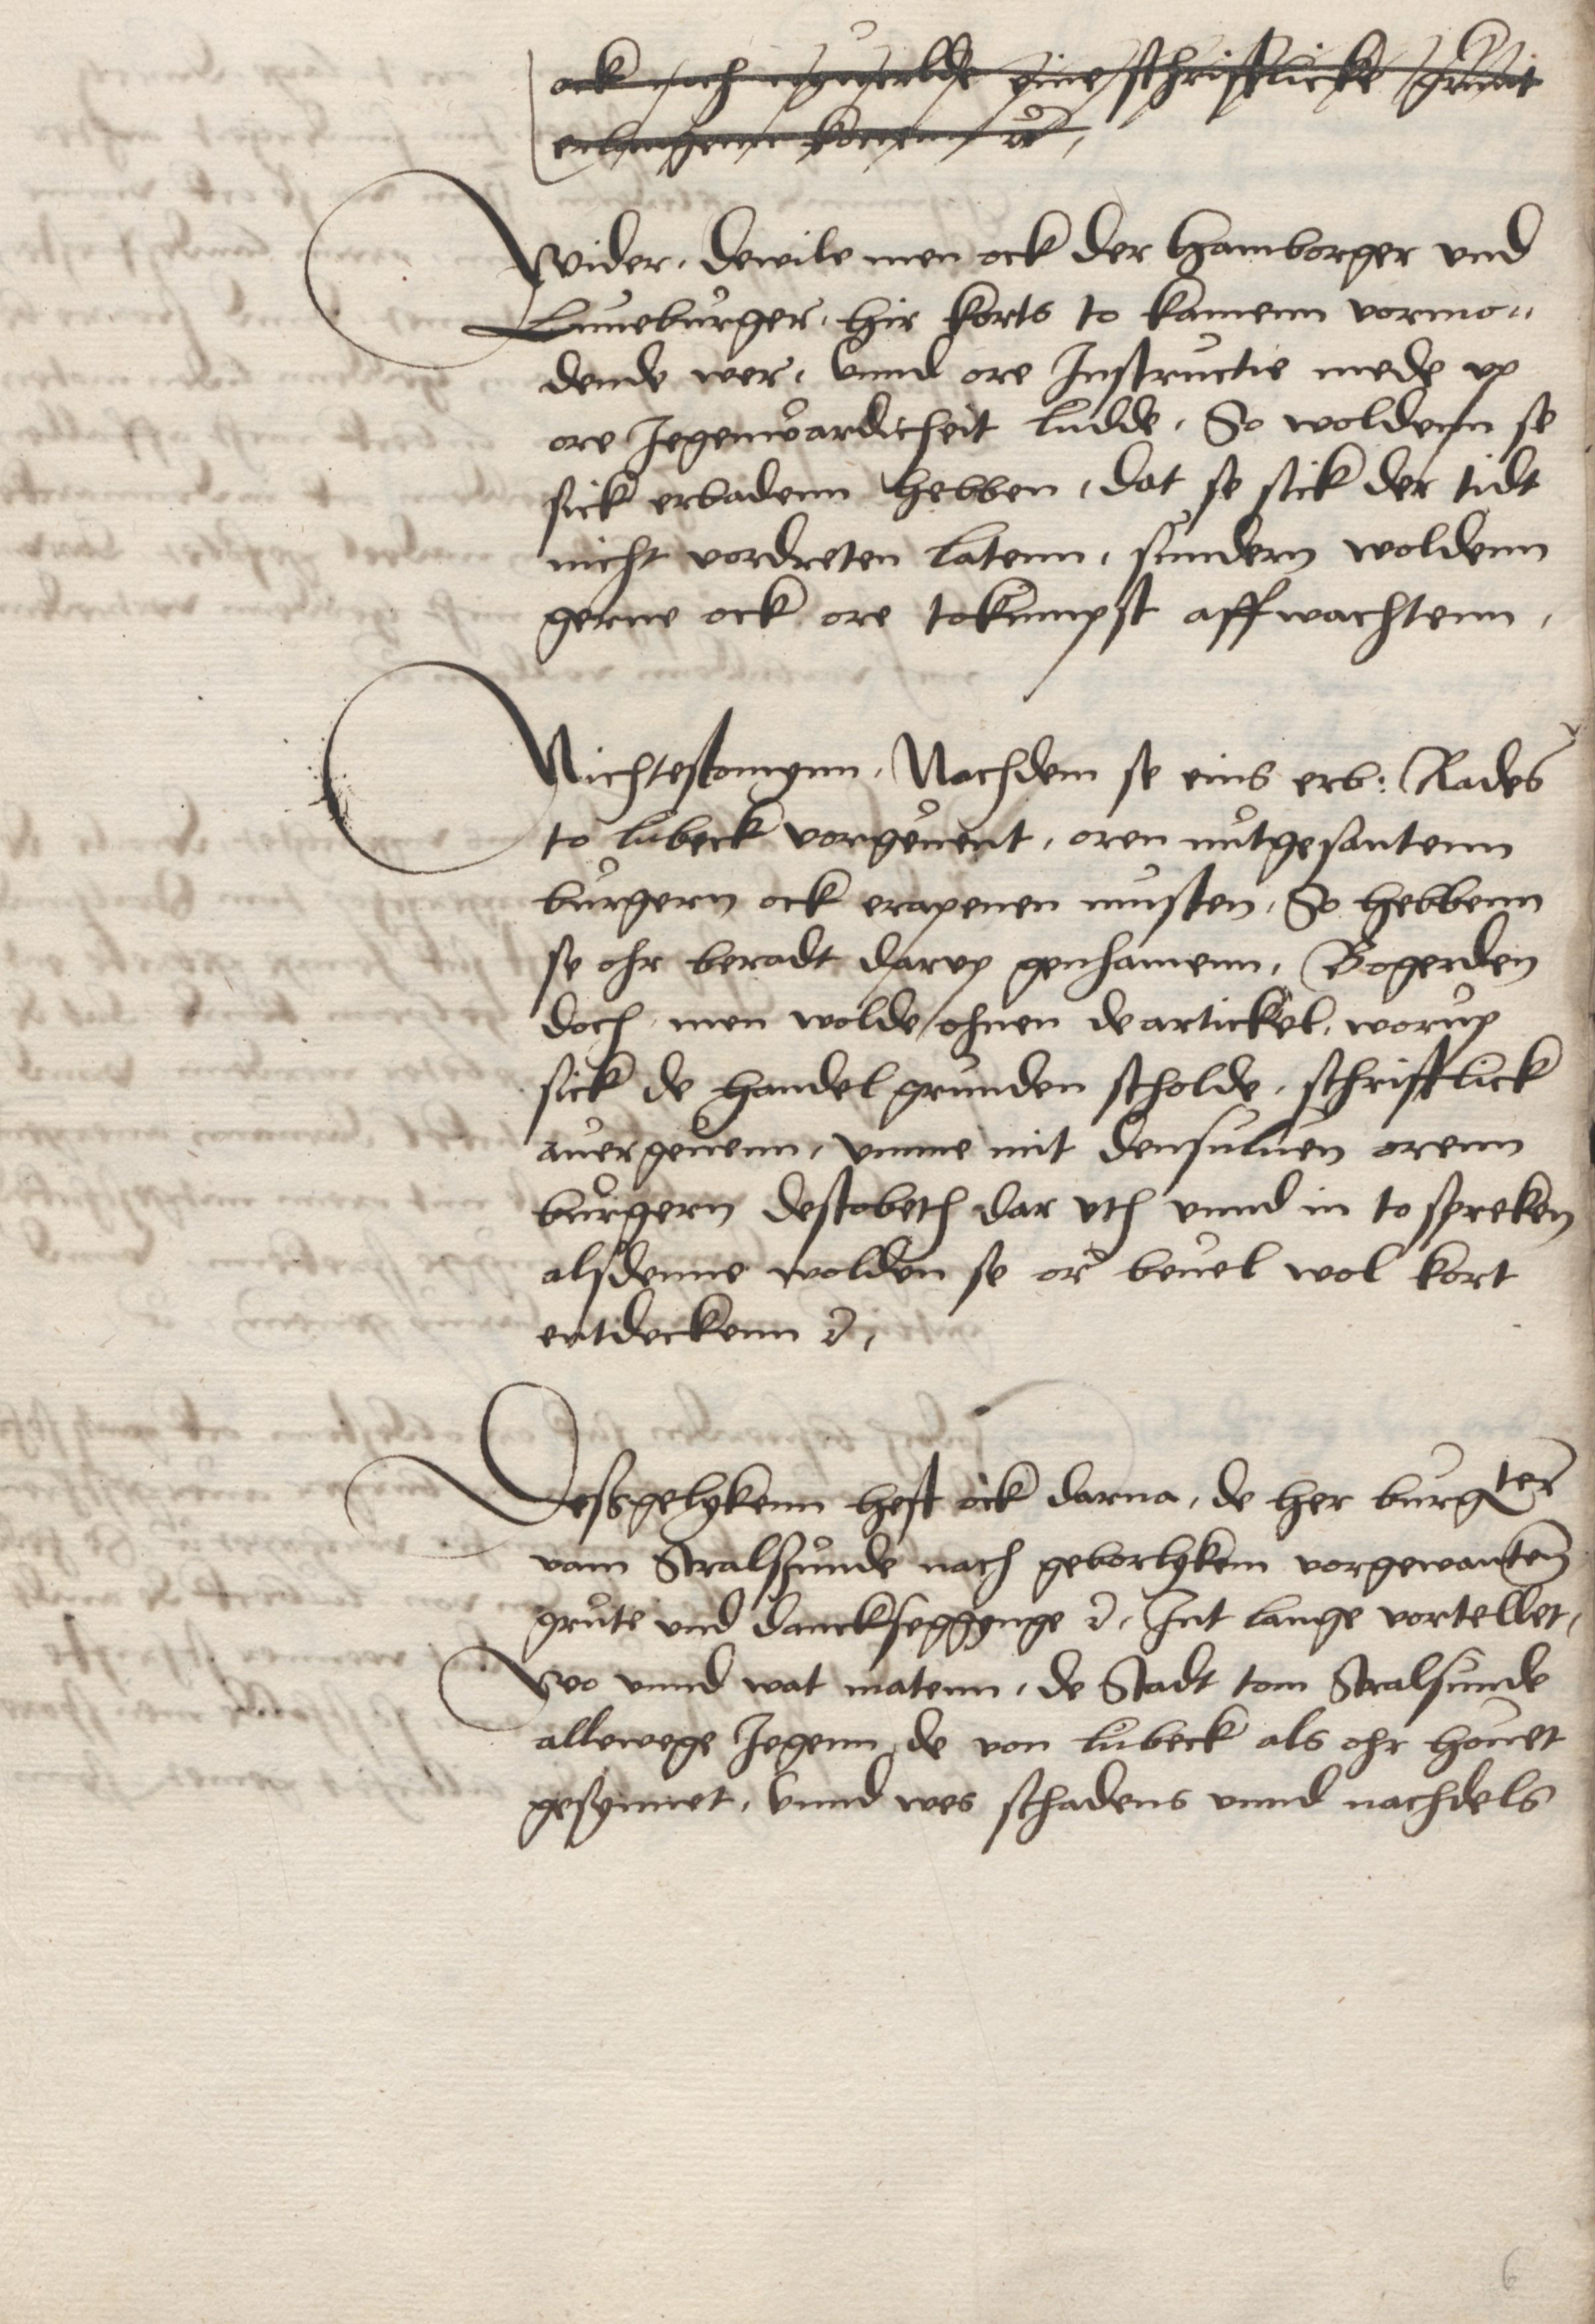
ock noch iegenwerlde eine schrifftlicke grunt
erlangenn konenn etc.
Wider, dewile men ock der Hamborger vnd
Luneburger, hir korts to kamenn vormo¬
dende wer, vnnd ore Instuctie mede vp
ore iegenwardicheit ludde, So woldenn se
sick erbadenn hebben, dat se sik der tidt
nicht vordreten latenn, sundern woldenn
gerne ock ore tokumpst affwachtenn,
Nichtestomynn, Nachdem se eins erb: Rades
to Lubeck vorgeuent, oren mitgesantenn
burgern ock erapenen musten, So hebbenn
se ohr beradt darvp genhamenn, Bogerden
doch men wolde ohnen de artickel, worup
sick de handel grunden scholde, schriftlick
auer geuenn, vmme mit dersuluen orenn
burgern destobeth dar vth vnnd in to spreken
alsdenne wolden se or beuel wol kort
entdeckenn etc,
Deßgelyken heft ock darna, de her burgermeister
vom Stralsunde nach geborlyken vorgewanten
grute vnd danckseggynge etc, int lange vertellet,
wo vnnd wat matenn, de Stadt tom Stralsunde
allewege Jegenn de von Lubeck als ohr houet
gesynnet, vnnd wes schadens vnnd nachdels
